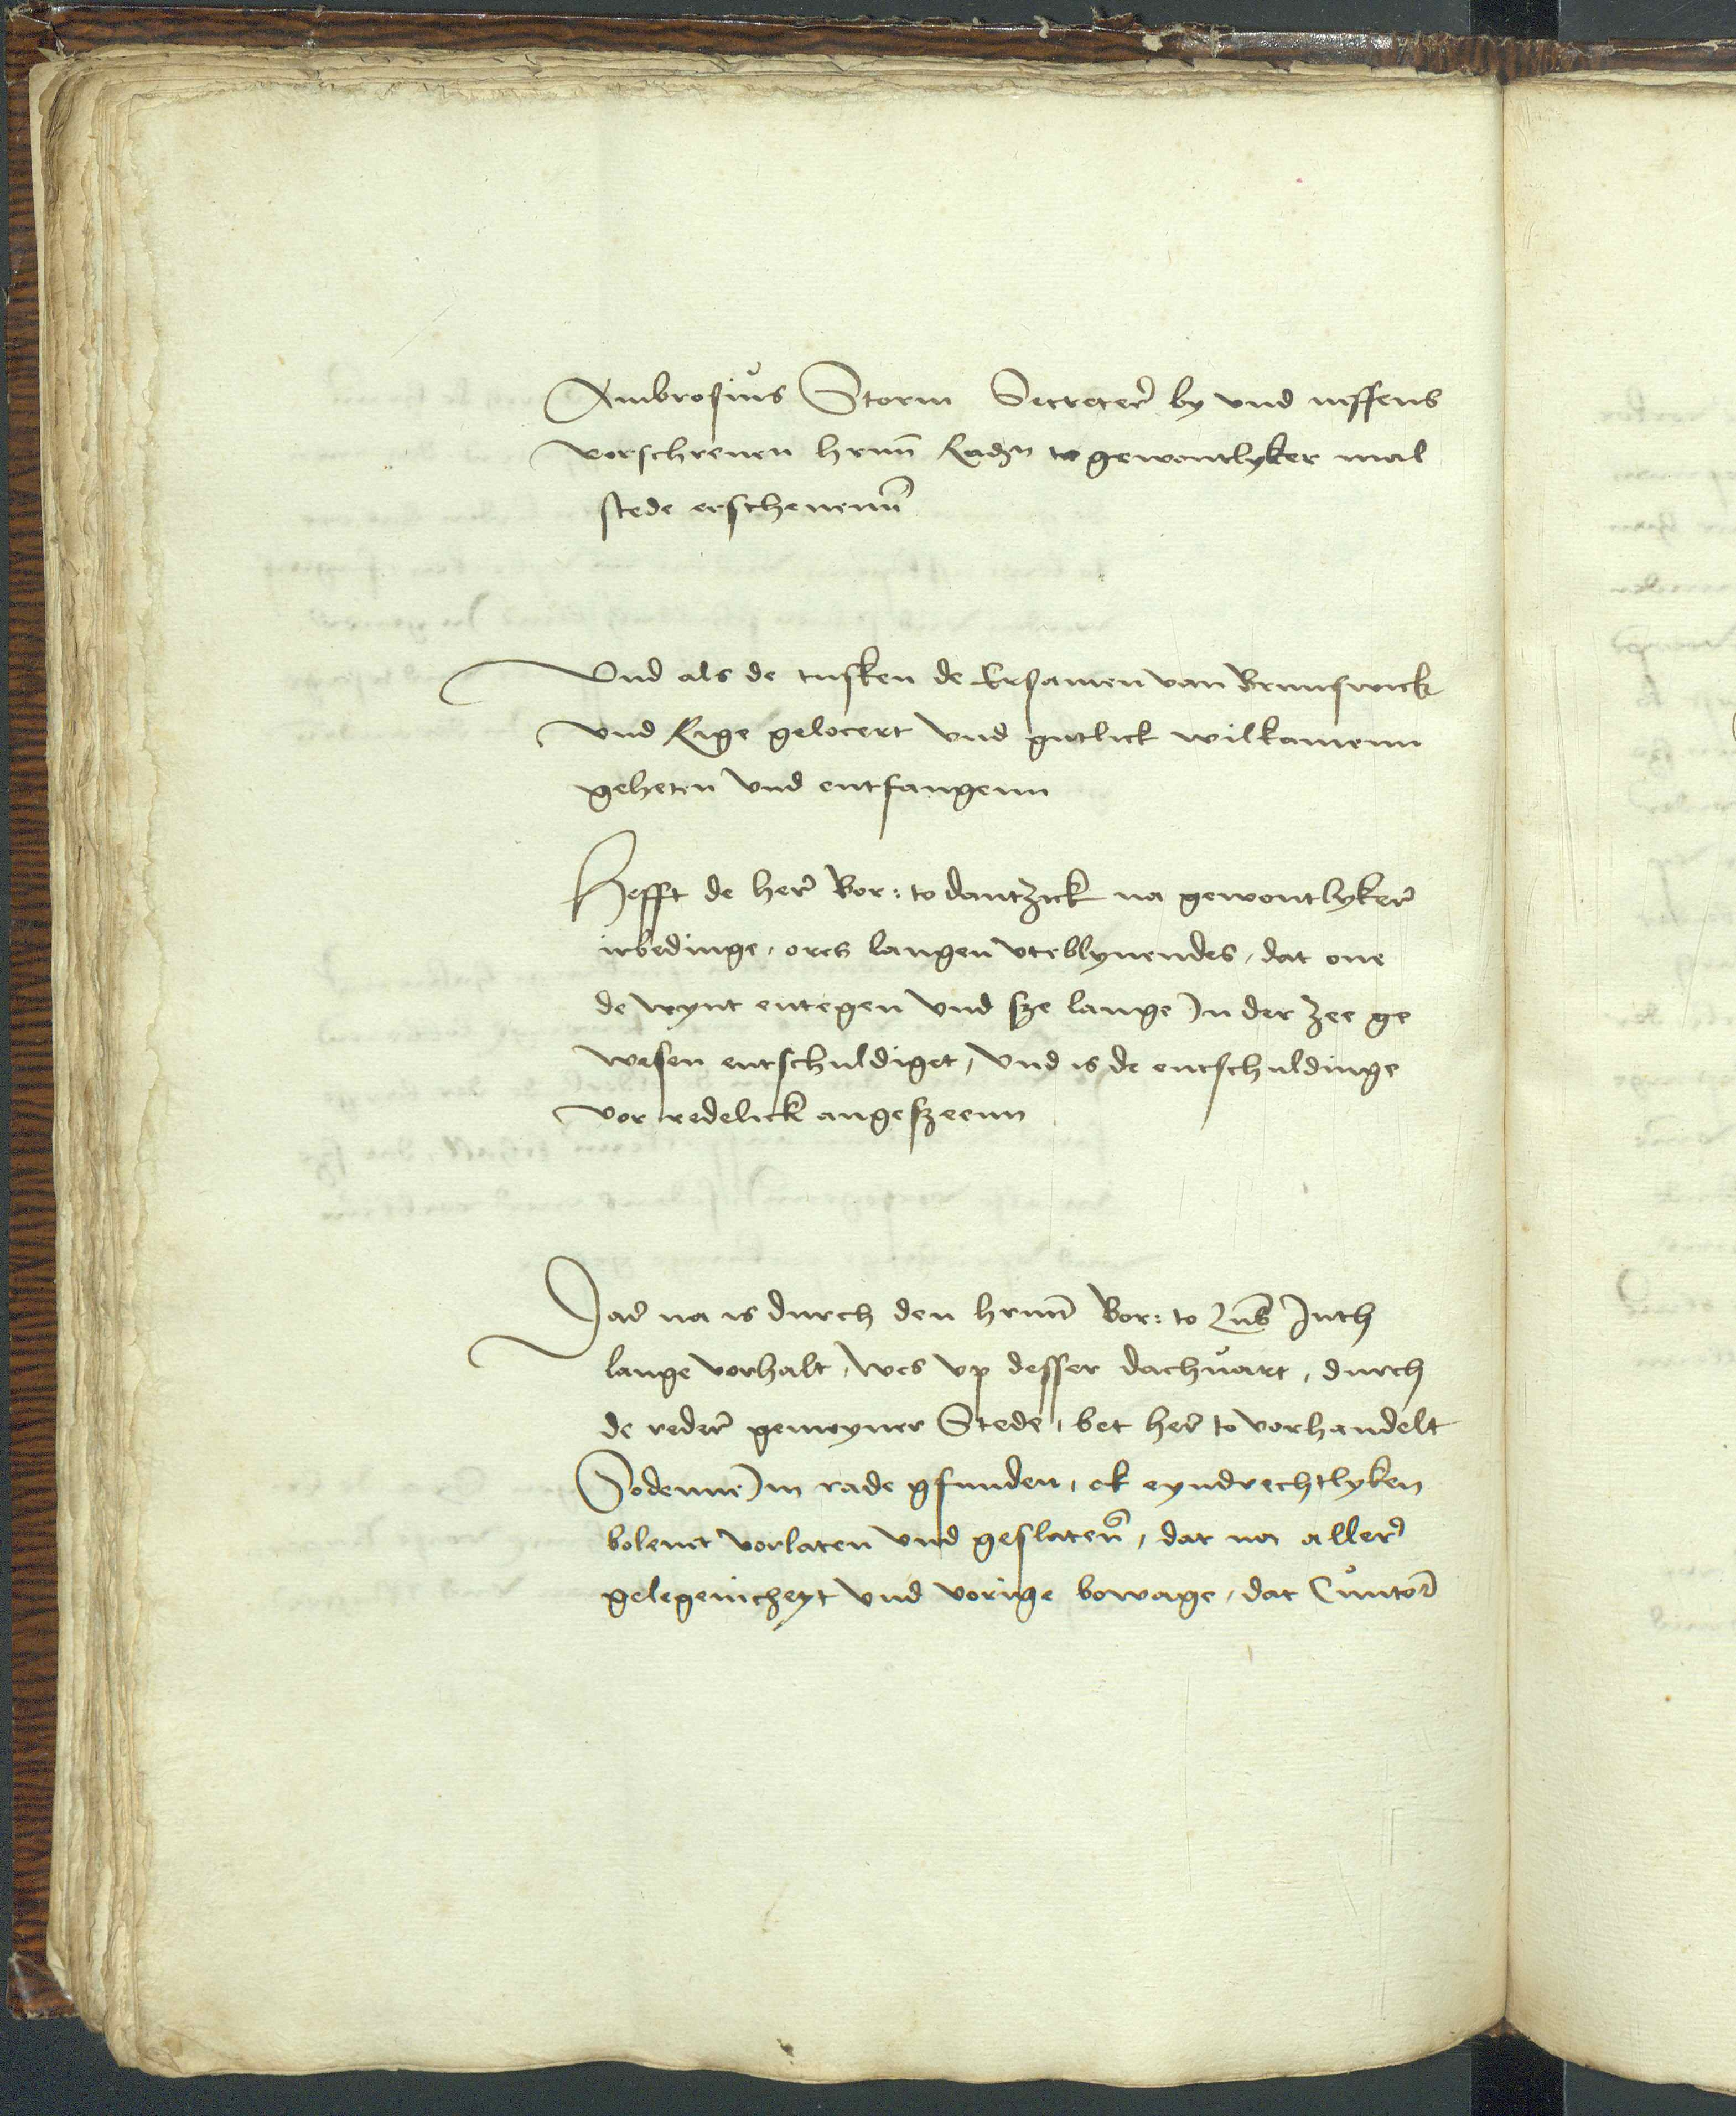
Ambrosius Storm Secreter by vnd neffens
vorschreuen hernn Radessendebanden to gewontliker mal¬
stede erschenenn
Vnd als de tusken de Ersamen van Brunswick
vnd Rige gelocert vnd gutlick wilkamenn
geheten vnd entfangenn
Hefft de her Bor: to dantzick na gewontlyker
irbedinge, ores langen vteblyuendes, dat one
de wynt entegen vnd sze lange Jn der Zee ge¬
wesen entschuldiget, vnd is de entschuldinge
vor redelick angeszeenn
Dar na is durch den hernn Bor: to Lubeck Jnth
lange vorhalt, wes vp desser dachuart, durch
de reder gemeyner Stede, bet her to vorhandelt
Sodenne Jm rade gfunden, ok eyndrechtlyken
boluet vorlaten vnd geslaten, dat na aller
gelegenicheyt vnd vorige bowage, dat Cuntor
